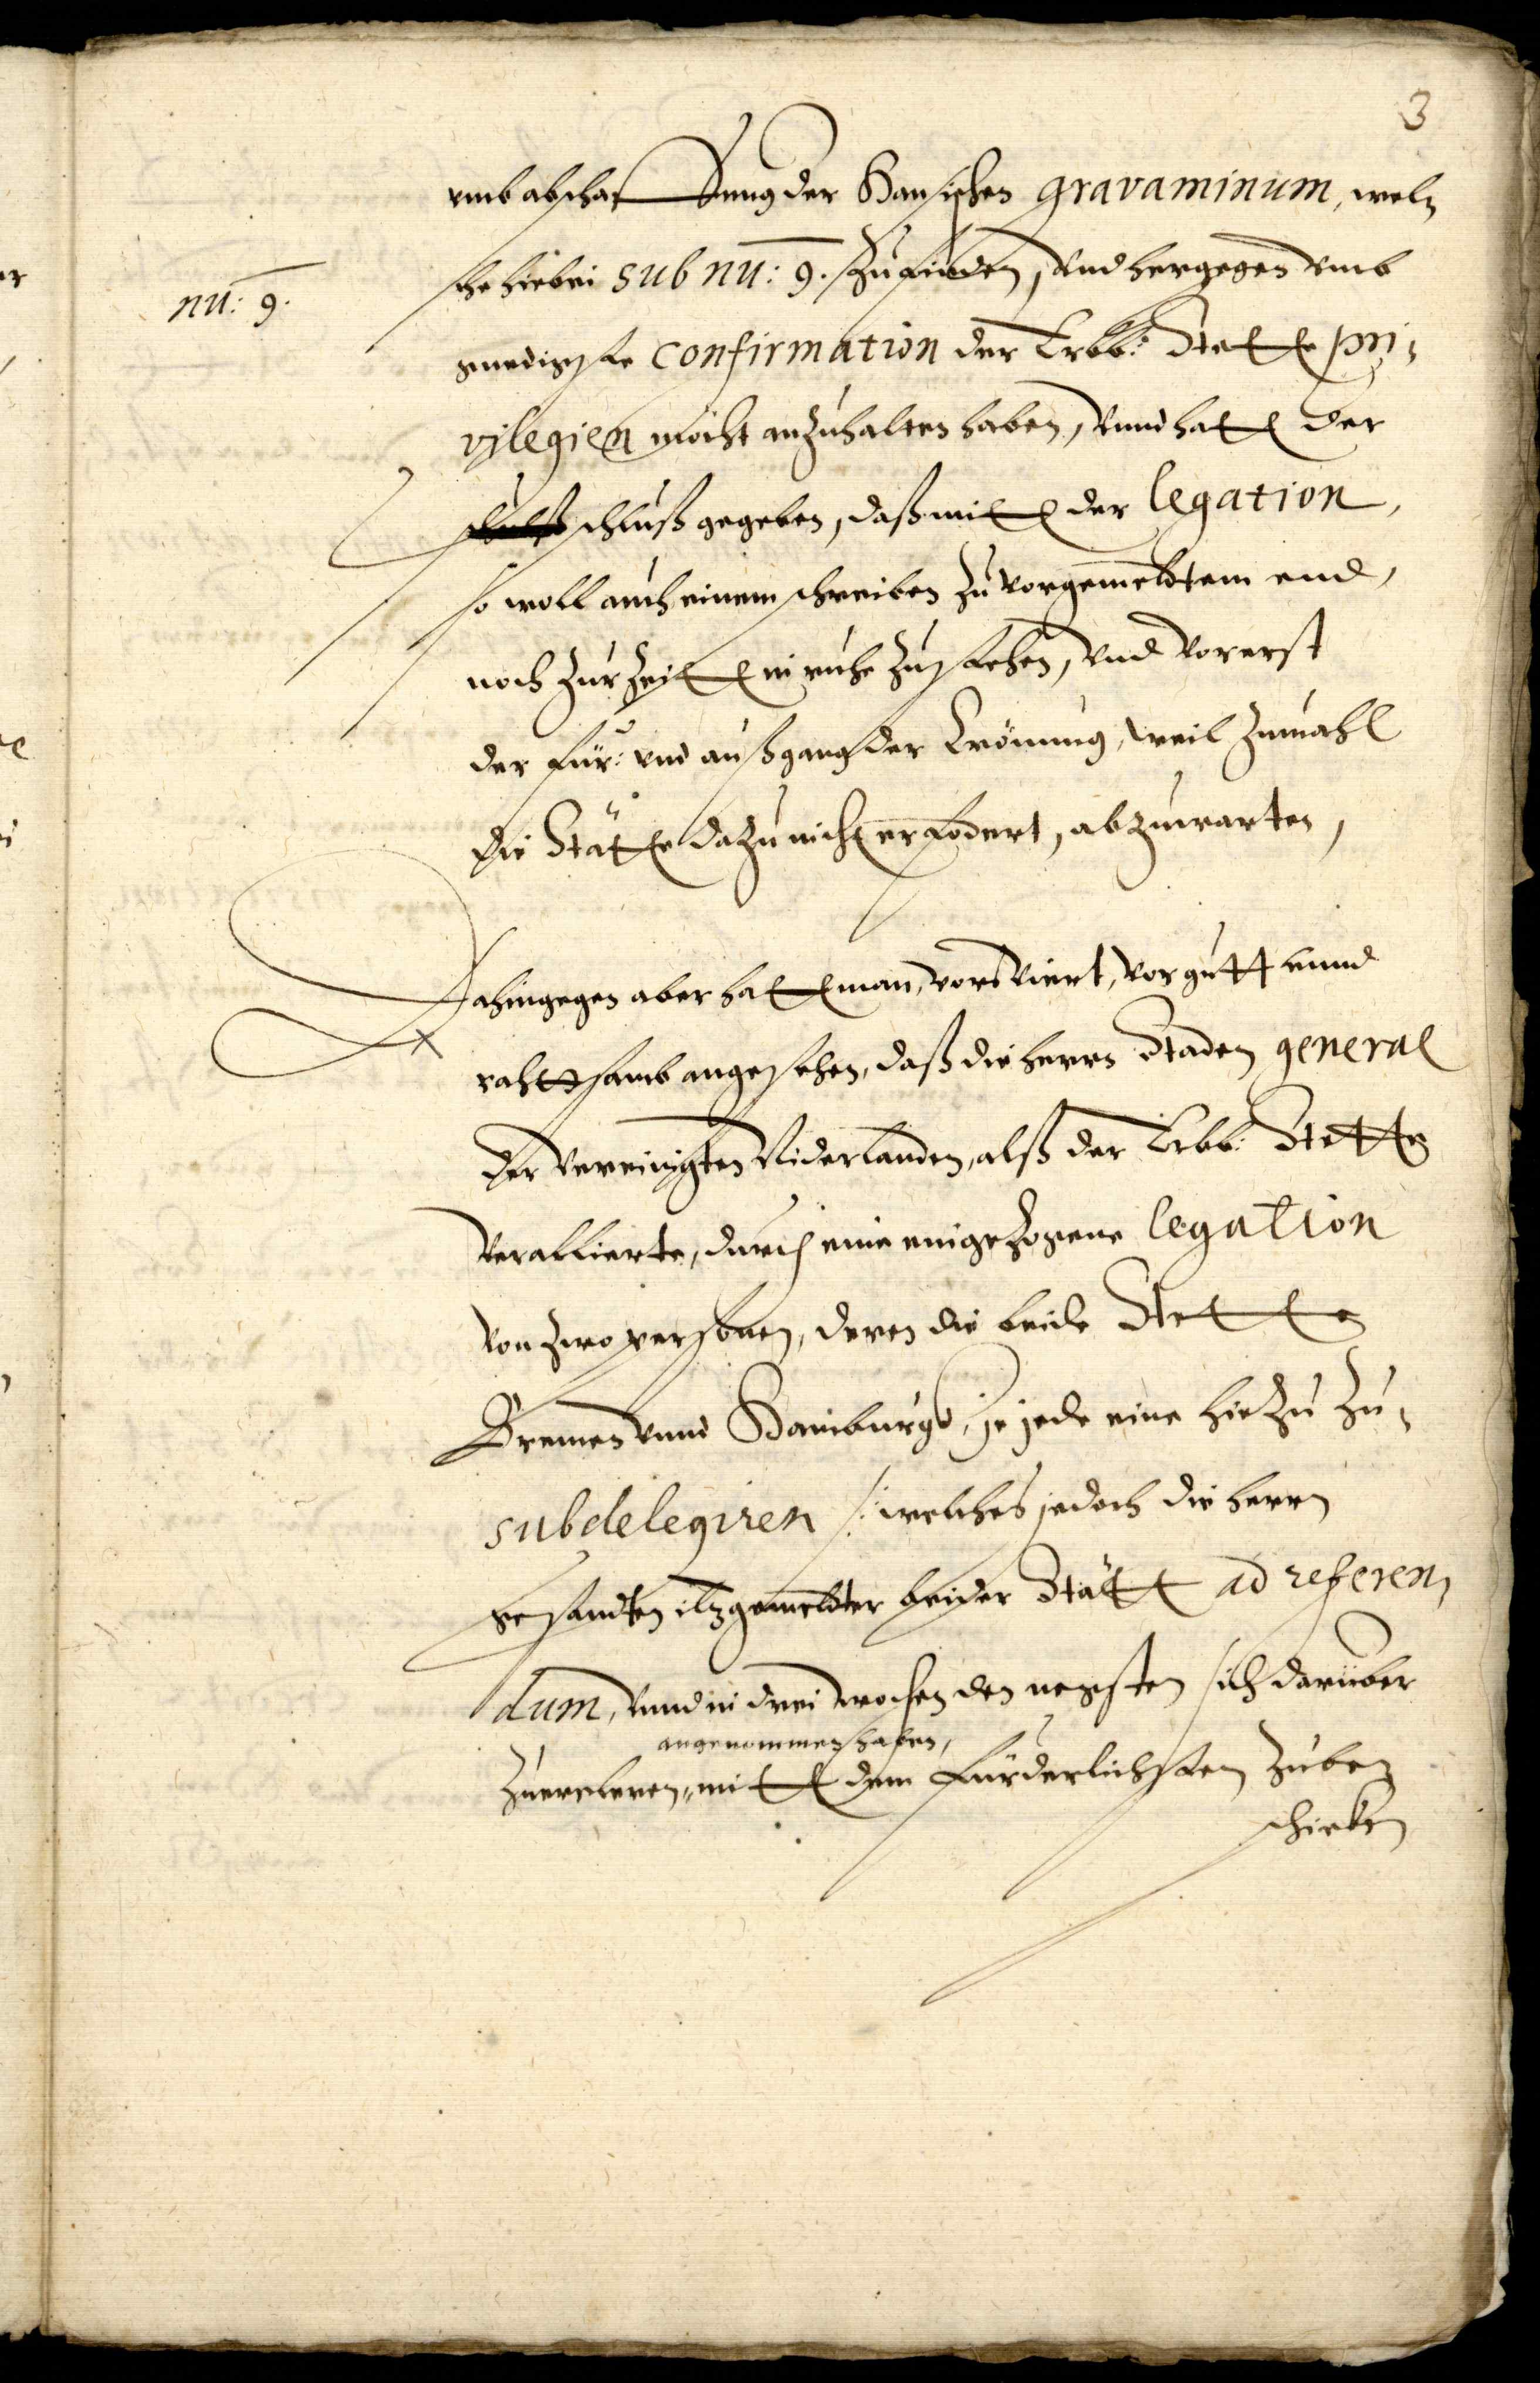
3
vmb abschaffung der Hansichen gravaminum, wel¬
che hiebei sub nu: 9. zu finden, vnd hergegen vmb
gnedigste confirmation der Erbb: Statte pri¬
vilegien möcht anzuhalten haben, vnnd hatt der
schulß schluß gegeben, daß mitt der legation,
so woll auch einem schreiben zu vorgemeldtem end,
noch zur zeitt in ruhe zustehen, vnd vorerst
der für: vnd außgang der Crönung, weil zumahl
die Stätte dazu nicht erfodert, abzuwarten,
Dahingegen aber hatt man, vors viert, vor gutt vnnd
rahttsamb angesehen, daß die herrn Staden general
der vereinigten Niderlanden, alß der Erbb: Stette
verallierte, durch eine eingezogene legation
von zwo personen, deren die beide Stette
Bremen vnnd Hamburgk, je jede eine hiezu zu¬
subdelegiren /: welches jedoch die herrn
gesandten itzgemeldter beide Stätt ad referen¬
dum, vnnd in drei wochen den negsten sich darüber
angenommen haben,
zuercleren, mitt dem fürderlichsten zube¬
schicken
nu: 9.
